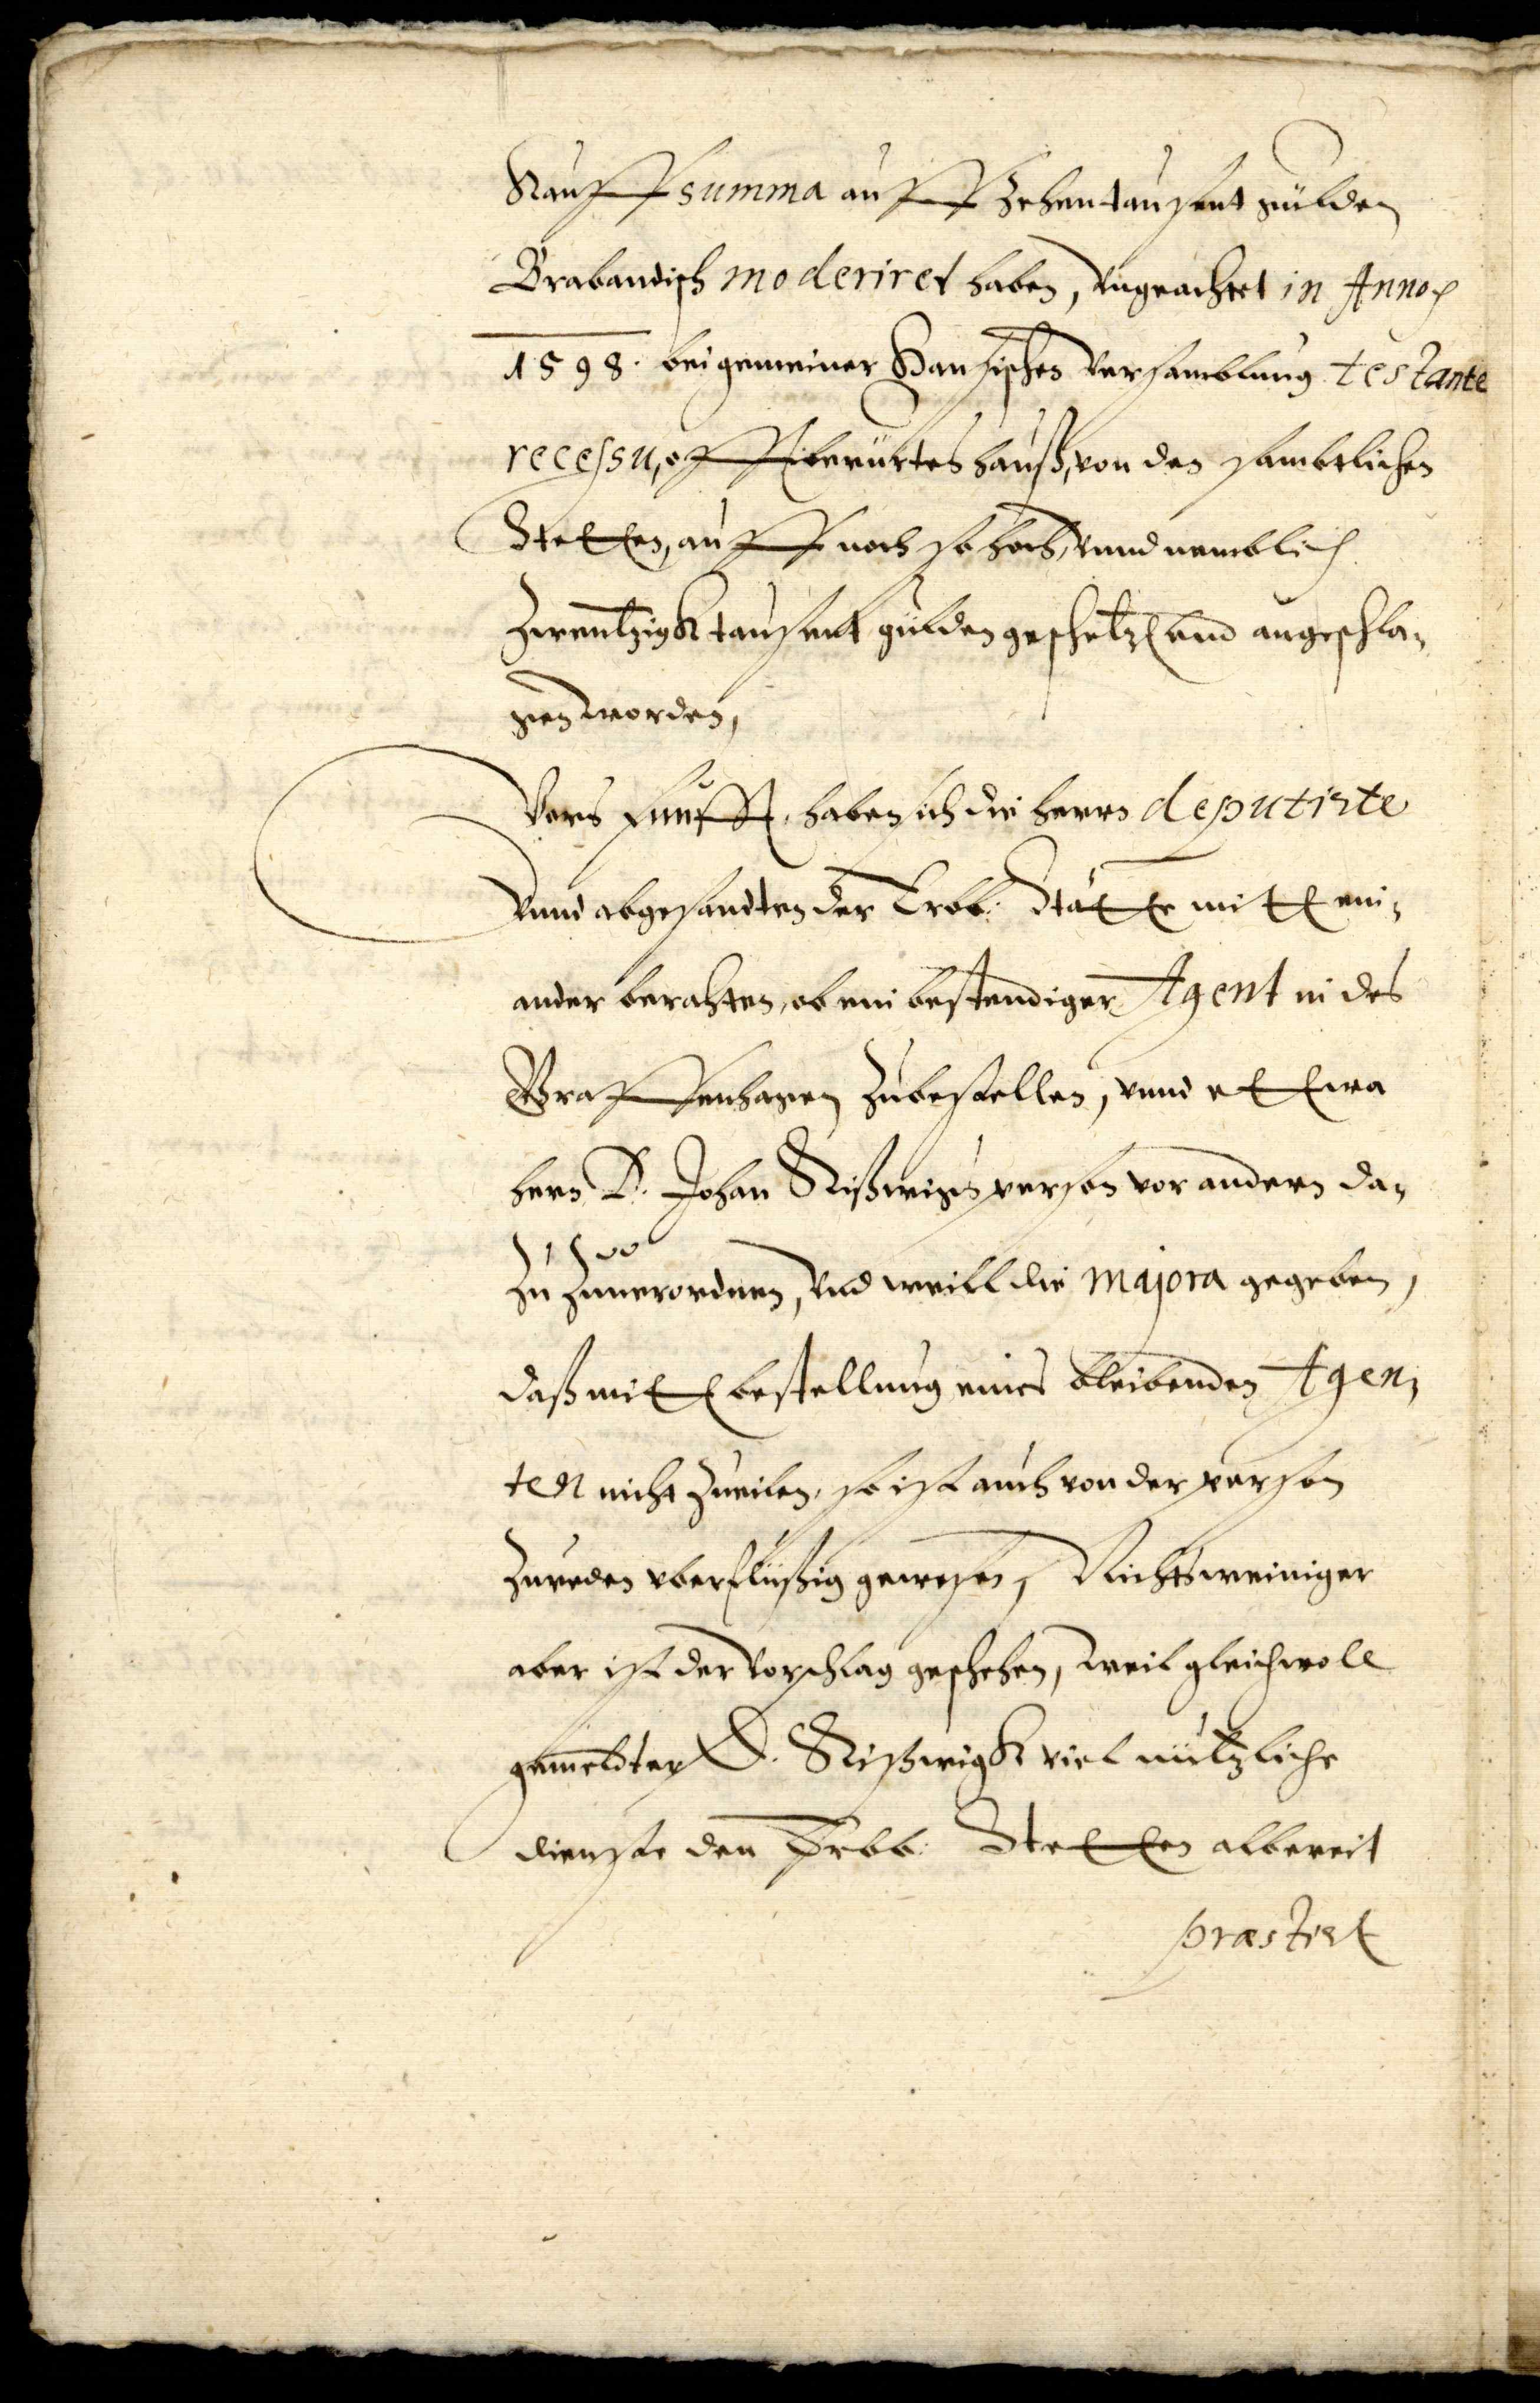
kaufsumma auff zehentausend gulden
Brabandisch moderiret haben, vngeachtet in Anno p
1598 bei gemeiner Hansischen versamblung testante
recessu, offtberürtes hauß, von den sambtlichen
Stetten, auff noch so hoch, vnnd nemblich
Zwentzigk tausend gülden geschetzt vnd angeschla¬
gen worden,
Vors funfft, haben sich die herrn deputirte
vnnd abgesandten der Erbb: Stätte mitt ein¬
ander berahten, ob ein bestendiger Agent in des
Graffenhagen zubestellen, vnnd ettwa
herrn D. Johan Rißwigs person vor andern da¬
zu zuuerordnen, vnd weill die majora gegeben,
daß mitt bestellung eines bleibenden Agen¬
ten nicht zueilen, so ist auch von der person
zureden vberflüßig gewesen, Nichtsweiniger
aber ist der vorschlag geschehen, weil gleichwoll
gemeldter D. Rißwigk viel nützliche
dienste den Erbb: Stetten albereit
praestirt
